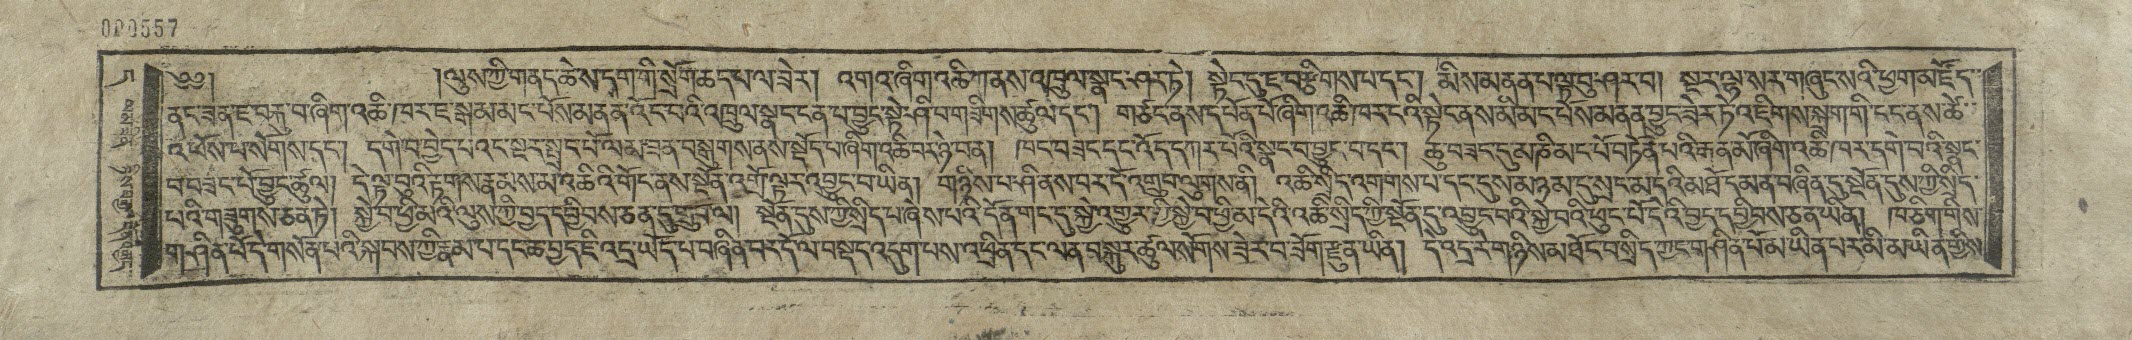༄༅། །ལུས་ཀྱི་གནད་ཆེ་ས་དག་གི་སྲོག་ཆད་པ་ལ་ཟེར། འགའ་ཞིག་འཆི་ཀ་ནས་འཁྲུལ་སྣང་ཤར་ཏེ། སྟེང་དུ་ཇ་བརྩིགས་པ་དང་། མིས་མནན་པ་ལྟ་བུ་ཤར་བ། སྔར་ལྷ་སར་གཞུང་སའི་ཕྱག་མཛོད་
ནང་ཟན་ཇ་བརྐུ་བ་ཞིག་འཆི་ཁར་ཇ་སྒམ་མང་པོས་མནན་འོང་བའི་འཁྲུལ་སྣང་ངན་པ་བྱུང་སྟེ་ཤི་བ་གཟིགས་ཚུལ་དང་། གཙང་ནས་དཔོན་པོ་ཞིག་འཆི་ཁར་ངའི་སྟེང་ནས་མི་མང་པོས་མནན་བྱུང་ཟེར་ཏེ་འཇིགས་སྐྲག་གི་ངང་ནས་ཚེ་
འཕོས་པ་སོགས་དང་། དགེ་བ་བྱེད་པའང་སྔར་སྤྲང་པོ་ལམ་ཟན་བསྒུགས་ནས་སྡོད་པ་ཞིག་འཆི་བར་ཉེ་བ་ན། ཁང་བཟང་དང་འོད་དཀར་པོའི་སྣང་བ་བྱུང་བ་དང་། ཆུ་བཟང་དུ་མ་ཎི་མང་པོ་བཏོན་པའི་རྒན་མོ་ཞིག་འཆི་ཁར་དགེ་བའི་སྣང་
བ་བཟང་པོ་བྱུང་ཚུལ། དེ་ལྟ་བུའི་རྟགས་རྣམས་མ་འཆིའི་གོང་ནས་སྔོན་འགྲོ་ལྟར་འབྱུང་བ་ཡིན། གཉིས་པ་ཤི་ནས་བར་དོ་འགྲུབ་ལུགས་ནི། འཆི་སྲིད་འགགས་པ་དང་དུས་མཉམ་དུ་སྲང་མདའི་མཐོ་དམན་བཞིན་དུ་སྔོན་དུས་ཀྱི་སྲིད་
པའི་གཟུགས་ཅན་ཏེ། སྐྱེ་བ་ཕྱི་མའི་ལུས་ཀྱི་བྱད་དབྱིབས་ཅན་དུ་གྲུབ་ལ། སྔོན་དུས་ཀྱི་སྲིད་པ་ཞེས་པའི་དོན་གང་དུ་སྐྱེ་འགྱུར་གྱི་སྐྱེ་བ་ཕྱི་མ་དེའི་འཆི་སྲིད་ཀྱི་སྔོན་དུ་འབྱུང་བའི་སྐྱེ་བའི་ཕུང་པོ་དེའི་བྱད་དབྱིབས་ཅན་ཡིན། ཁ་ཅིག་གིས་
གཤིན་པོ་དེ་གསོན་པའི་སྐབས་ཀྱི་རྣམ་པ་དང་ཆ་བྱད་ཇི་འདྲ་ཡོད་པ་བཞིན་བར་དོ་ལ་བསྡད་འདུག་པས་འཕྲིན་དང་ལན་བསྐུར་ཚུལ་སོགས་ཟེར་བ་ཟོག་རྫུན་ཡིན། དེ་འདྲ་རེ་གཉིས་མཐོང་བ་སྲིད་ཀྱང་གཤིན་པོ་མ་ཡིན་པར་མི་མ་ཡིན་གྱིས་